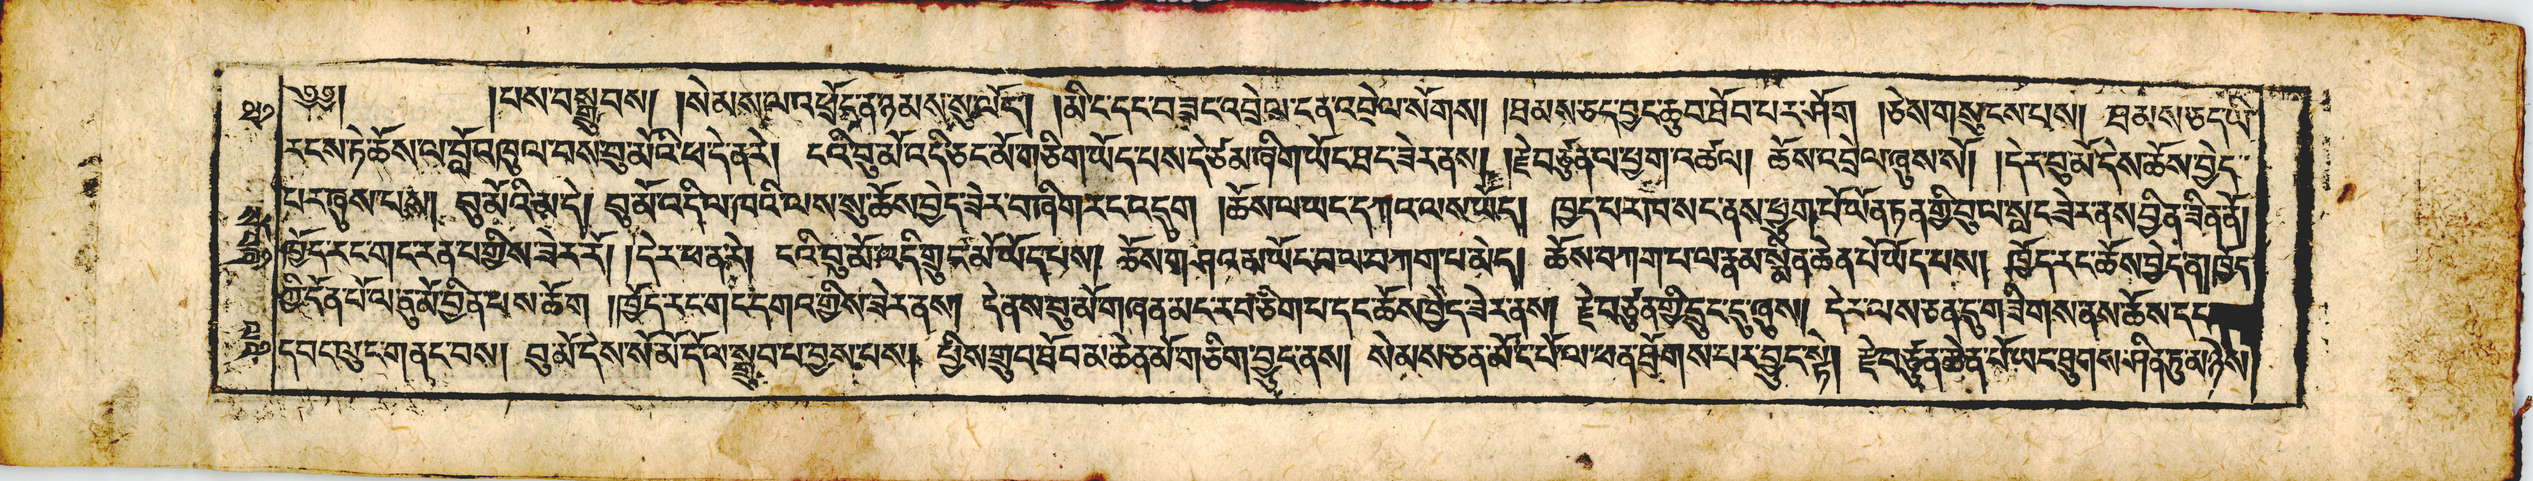པས་བསྒྲུབས། །སེམས་ལ་འཕྲོད་ན་ཉམས་སུ་ལོངས། །མི་ང་དང་བཟང་འབྲེལ་ངན་འབྲེལ་སོགས། །ཐམས་ཅད་བྱང་ཆུབ་ཐོབ་པར་ཤོག །ཅེས་གསུངས་པས། ཐམས་ཅད་ཡི་
རངས་ཏེ་ཆོས་ལ་བློ་འཁུལ་བས་བུ་མོའི་ཕ་དེ་ན་རེ། ངའི་བུ་མོ་འདི་ཅང་མོ་གཅིག་ཡོད་པས་དེ་ཙམ་ཞིག་ཡོང་ཐང་ཟེར་ནས། རྗེ་བཙུན་ལ་ཕྱག་འཚལ། ཆོས་འབྲེལ་ཞུས་སོ། །དེར་བུ་མོ་དེས་ཆོས་བྱེད་
པར་ཞུས་པས། བུ་མོའི་མ་དེ། བུ་མོ་འདི་ལ་ཁའི་ལས་སུ་ཆོས་བྱེད་ཟེར་བ་ཞིག་རང་འདུག །ཆོས་ལ་ཡང་དཀའ་ལས་ཡོད། ཁྱད་པར་ཁ་སང་ནས་ཕྱུག་པོ་ཡོན་ཏན་ཅན་གྱི་བུ་ལ་སློང་ཟེར་ནས་བྱིན་ཟིན་ནོ། །
ཁྱོད་རང་གང་རན་པ་གྱིས་ཟེར་རོ། །དེར་ཕ་ན་རེ། ངའི་བུ་མོ་འདི་གྲུང་མོ་ཡོད་པས། ཆོས་གཤའ་མ་ཡོང་བ་ལ་བཀག་པ་མེད། ཆོས་བཀག་པ་ལ་རྣམ་སྨིན་ཆེན་པོ་ཡོད་པས། ཁྱོད་རང་ཆོས་བྱེད་ན། ཁྱོད་
ཀྱི་དོན་པོ་ལ་ནུ་མོ་བྱིན་པས་ཆོག །ཁྱོད་རང་གང་དགའ་གྱིས་ཟེར་ནས། དེ་ནས་བུ་མོ་གཞན་མང་རབ་ཅིག་པ་དང་ཆོས་བྱེད་ཟེར་ནས། རྗེ་བཙུན་གྱི་དྲུང་དུ་ཞུས། དེར་ལས་ཅན་དུགཟིགས་ནས་ཆོས་དང་
དབང་ལུང་གནང་བས། བུ་མོ་དེས་སོ་མོ་དོ་ལ་སྒྲུབ་པ་བྱས་པས། ཕྱིས་གྲུབ་ཐོབ་མ་ཆེན་མོ་གཅིག་བྱུང་ནས། སེམས་ཅན་མང་པོ་ལ་ཕན་ཐོགས་པར་བྱུང་སྟེ། རྫེ་བཙུན་ཆེན་པོ་ཡང་ཐུགས་ཤིན་ཏུ་མཉེས་